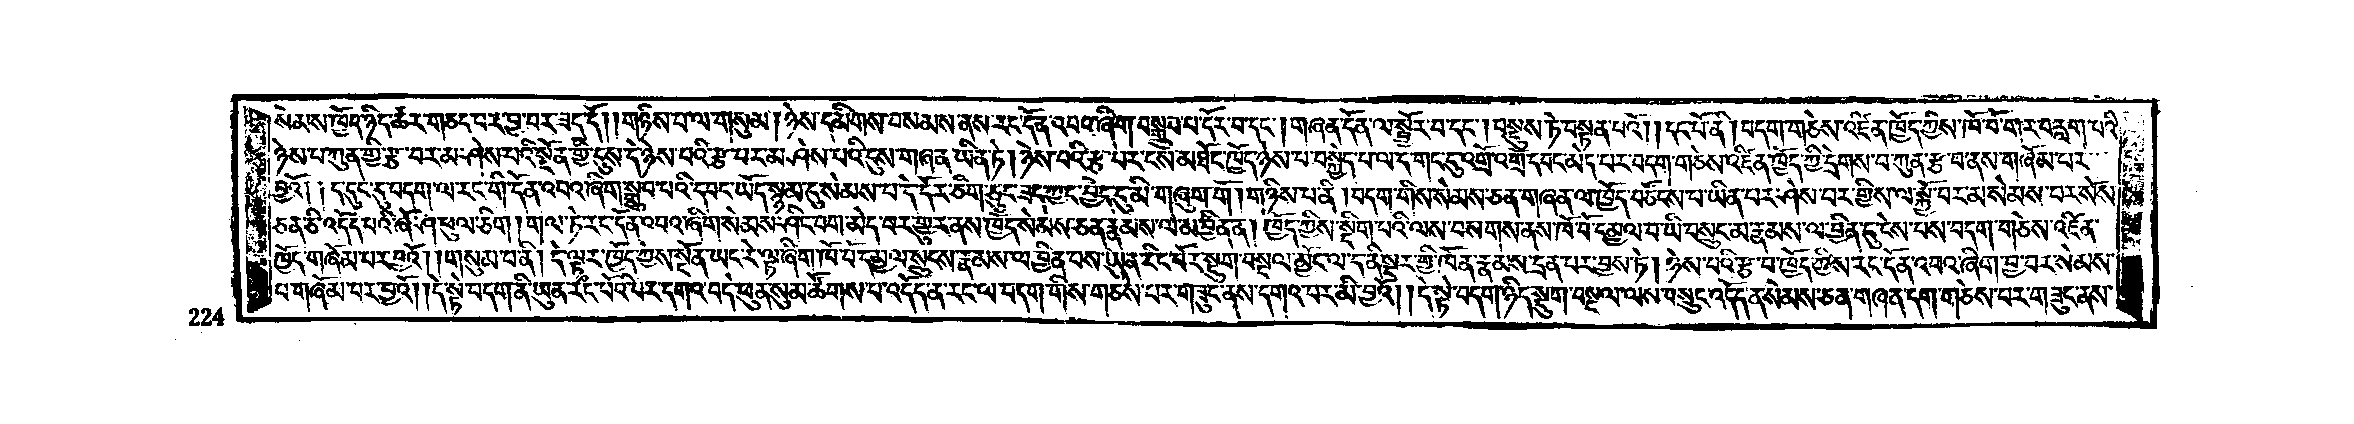སེམས་ཁྱོད་ཉིད་ཚར་གཅད་པར་བྱ་བར་ཟད་དོ། །གཉིས་པ་ལ་གསུམ། ཉེས་དམིགས་བསམས་ནས་རང་དོན་འབའ་ཞིག་བསྒྲུབ་པ་དོར་བ་དང་། གཞན་དོན་ལ་སྦྱོར་བ་དང་། བསྡུས་ཏེ་བསྟན་པའོ། །དང་པོ་ནི། བདག་གཅེས་འཛིན་ཁྱོད་ཀྱིས་ཁོ་བོ་གར་བརླག་པའི་
ཉེས་པ་ཀུན་གྱི་རྩ་བར་མ་ཤེས་པའི་སྔོན་གྱི་དུས་དེ་ཉེས་པའི་རྩ་བར་མ་ཤེས་པའི་དུས་གཞན་ཡིན་ཏེ། ཉེས་པའི་རྩ་བར་ངེས་མཐོང་ཁྱོད་ཉེར་པ་བསྐྱེད་པ་ལ་དེ་གང་དུ་འགྲོ་འགྲོ་དབང་མེད་པར་བདག་གཅེས་འཛིན་ཁྱོད་ཀྱི་དྲེགས་པ་ཀུན་རྩ་བ་ནས་གཞོམ་པར་
བྱའོ༑ ༑ད་དུང་དུ་བདག་ལ་རང་གི་དོན་འབའ་ཞིག་སྒྲུབ་པའི་དབང་ཡོད་སྙམ་དུ་སེམས་པ་དེ་དོར་ཅིག་ཅུང་ཟད་ཀྱང་བྱེད་དུ་མི་གཞུག་གོ། །གཉིས་པ་ནི། བདག་གིས་སེམས་ཅན་གཞན་ལ་ཁྱོད་བཙོངས་པ་ཡིན་ཤེས་པར་གྱིས་ལ་སྐྱོ་བར་མ་སེམས་པར་སོས་
ཅན་ཅི་འདོད་པའི་ཞོ་ཤ་ཕུལ་ཅིག །གལ་ཏེ་རང་དོན་འབའ་ཞིག་སེམས་ཤིང་བག་མེད་པར་གྱུར་ནས་ཁྱོད་སེམས་ཅན་རྣམས་ལ་མ་བྱིན་ན། ཁྱོད་ཀྱིས་སྡིག་པའི་ལས་བསགས་ནས་ཁོ་བོ་དམྱལ་བ་ཡི་བསྲུང་མ་རྣམས་ལ་བྱིན་དུ་ངེས་པས་བདག་གཅེས་འཛིན་
ཁྱོད་གཞོམ་པར་བྱའོ། །གསུམ་པ་ནི། དེ་ལྟར་ཁྱོད་ཀྱིས་སྔོན་ཡང་རེ་ལྟ་ཞིག་ཁོ་བོ་དམྱལ་སྲུངས་རྣམས་ལ་བྱིན་པས་ཡུན་རིང་པོར་སྡུག་བསྔལ་མྱོང་ལ་དེ་ནི་སྔར་གྱི་ཁོན་རྣམས་དྲན་པར་བྱས་ཏེ། ཉེས་པའི་རྩ་བ་ཁྱོད་ཀྱིས་རང་དོན་འབའ་ཞིག་བྱ་བར་སེམས་
པ་གཞོམ་པར་བྱའོ། །དེ་སྟེ་བདག་ནི་ཡུན་རིང་པོའི་བར་དགའ་བདེ་ཕུན་སུམ་ཚོགས་པ་འདོད་ན་རང་ལ་བདག་གིས་གཅེས་པར་གཟུང་ནས་དགའ་བར་མི་བྱའོ། །དེ་སྟེ་བདག་ཉིད་སྡུག་བསྔལ་ལས་བསྲུང་འདོད་ན་སེམས་ཅན་གཞན་དག་གཅེས་པར་གཟུང་ནས་